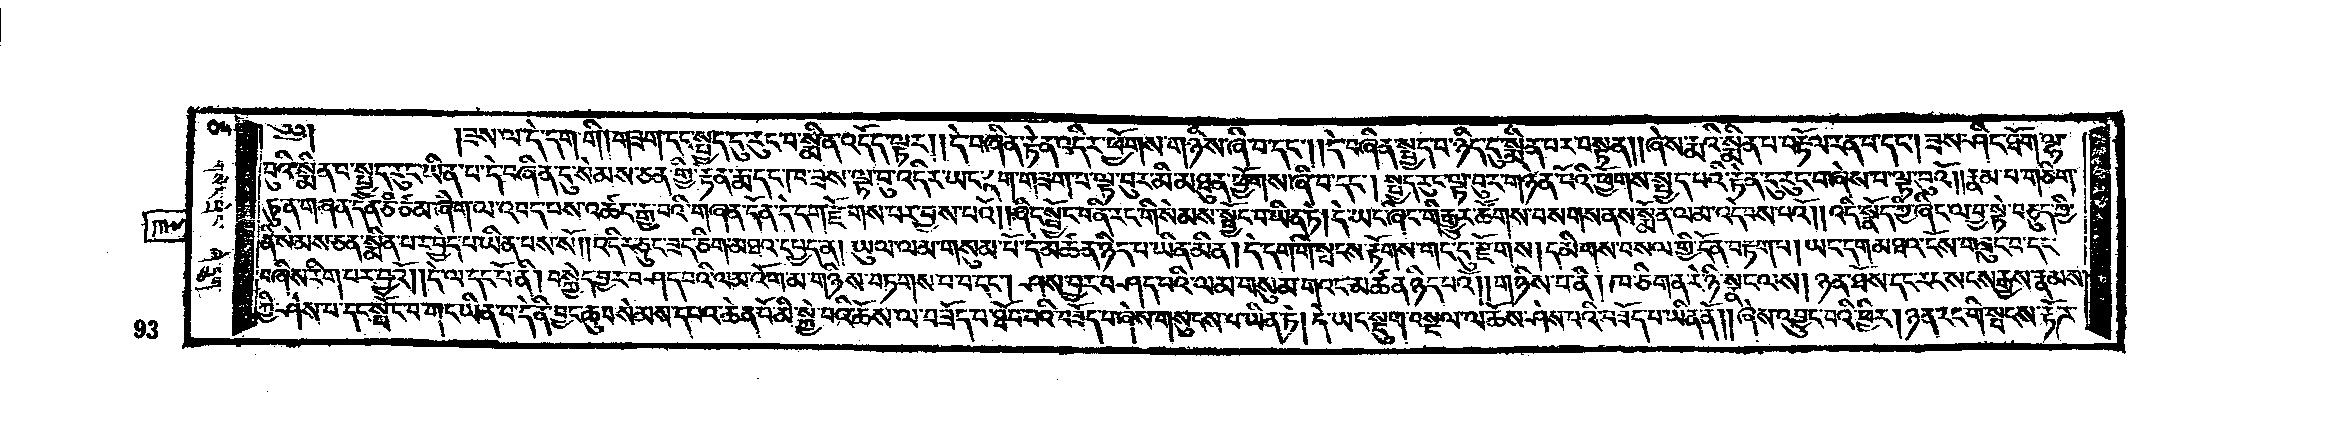༄༅། །ཟས་ལ་དེ་དག་གི །གཟག་དང་སྤྱད་དུ་རུང་བ་སྨིན་འདོད་ལྟར། །དེ་བཞིན་རྟེན་འདིར་ཕྱོགས་གཉིས་ཞི་བ་དང་། །དེ་བཞིན་སྤྱད་བ་ཉིད་དུ་སྨིན་པར་བསྟན། །ཞེས་རྨའི་སྨིན་པ་བརྟོལ་རན་པ་དང་། ཟས་ཤིང་ཐོག་ལྟ་
བུའི་སྨིན་པ་སྤྱད་རུང་ཡིན་པ་དེ་བཞིན་དུ་སེམས་ཅན་གྱི་རྟེན་རྨ་དང་ཁ་ཟས་ལྟ་བུ་འདིར་ཡང་རྣག་གཟག་པ་ལྟ་བུར་མི་མཐུན་ཕྱོགས་ཞི་བ་དང་། སྤྱད་རུང་ལྟ་བུར་གཉེན་པོའི་ཕྱོགས་སྤྱད་པའི་རྟེན་དུ་རུང་བ་ཞེས་པ་ལྟ་བུའོ། །རྣམ་པ་གཅིག་
ཏུ་ན་གཞན་དོན་ཅི་ཙམ་ཞིག་ལ་འབད་པས་འཚང་རྒྱ་བའི་གཞན་དོན་དེ་དག་རྫོགས་པར་བྱས་པའོ། །ཞིང་སྦྱོང་བ་ནི་རང་གི་སེམས་སྦྱོང་བ་ཡིན་ཏེ། དེ་ཡང་ཞིང་གི་རྒྱུར་ཚོགས་བསགས་ནས་སྨོན་ལམ་འདེབས་པའོ། །འདི་སྣོད་ཀྱི་ཞིང་ལ་བྱ་སྟེ་བཅུད་ཀྱི་
ནི་སེམས་ཅན་སྨིན་པར་བྱེད་པ་ཡིན་པས་སོ། །འདིར་ཅུང་ཟད་ཅིག་མཐའ་དཔྱད་ན། ཡུལ་ལམ་གསུམ་པོ་དེ་མཚན་ཉིད་པ་ཡིན་མིན། དེ་དག་གི་སྤངས་རྟོགས་གང་དུ་རྫོགས། དམིགས་བསལ་གྱི་དོན་བརྟག་པ། ཡང་དག་མཐའ་ངོས་གཟུང་བ་དང་
བཞིས་རིག་པར་བྱའོ། །དེ་ལ་དང་པོ་ནི། བསྐྱེད་བྱར་བཤད་པའི་ལམ་འོག་མ་གཉིས་བཏགས་པ་བ་དང་། ཤས་བྱར་བཤད་པའི་ལམ་གསུམ་གའང་མཚན་ཉིད་པའོ། །གཉིས་པ་ནི། ཁ་ཅིག་ན་རེ་ཉི་སྣང་ལས། ཉན་ཐོས་དང་རང་སངས་རྒྱས་རྣམས་
ཀྱི་ཤེས་པ་དང་སྤོང་བ་གང་ཡིན་པ་དེ་ནི་བྱང་ཆུབ་སེམས་དཔའ་ཆེན་པོ་མི་སྐྱེ་བའི་ཆོས་ལ་བཟོད་པ་ཐོབ་པའི་བཟོད་པ་ཞེས་གསུངས་པ་ཡིན་ཏེ། དེ་ཡང་སྡུག་བསྔལ་ལ་ཆོས་ཤེས་པའི་བཟོད་པ་ཡིན་ནོ། །ཞེས་འབྱུང་བའི་ཕྱིར། ཉན་རང་གི་སྤངས་རྟོགས་